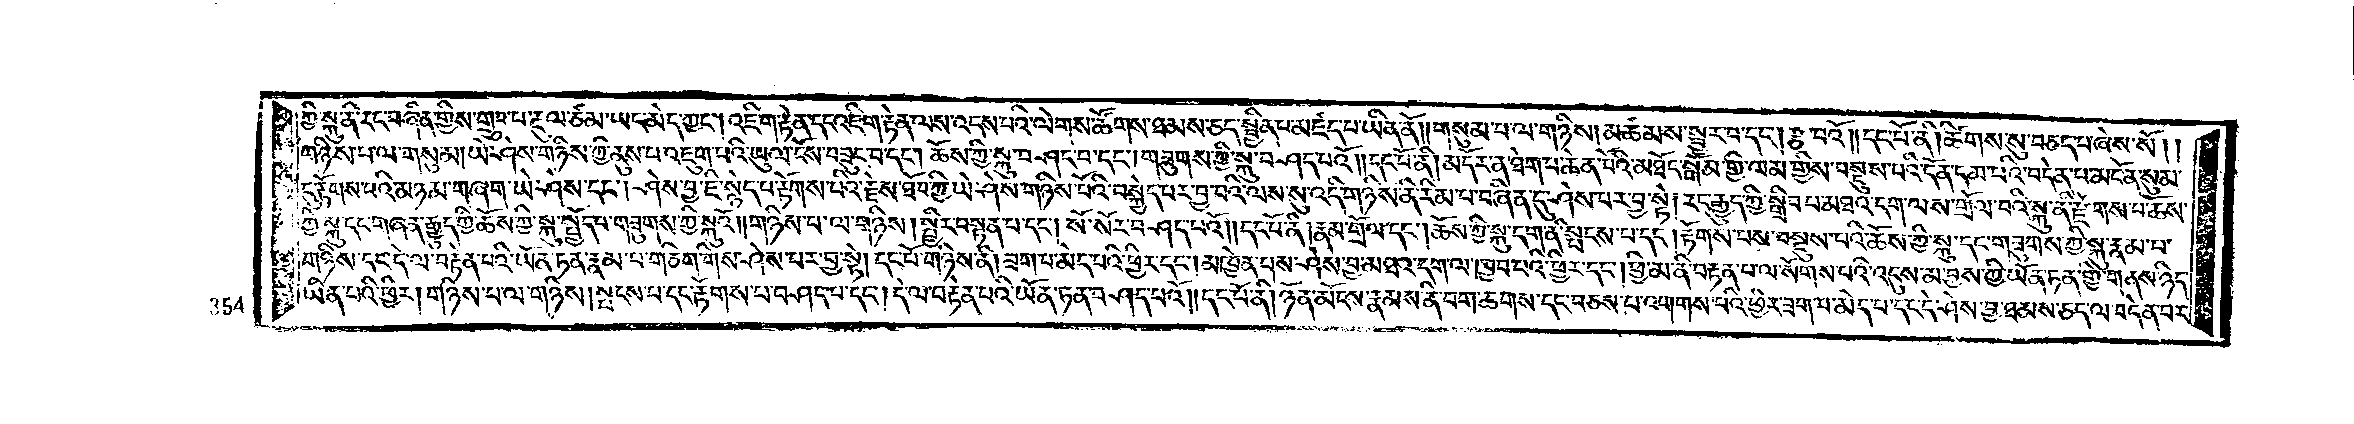ཀྱི་སྐུ་ནི་རང་བཞིན་གྱིས་གྲུབ་པ་རྡུལ་ཙམ་ཡང་མེད་ཀྱང་། འཇིག་རྟེན་དང་འཇིག་རྟེན་ལས་འདས་པའི་ལེགས་ཚོགས་ཐམས་ཅད་སྦྱིན་པ་མཛད་པ་ཡིན་ནོ། །གསུམ་པ་ལ་གཉིས། མཚམས་སྦྱར་བ་དང་། རྩ་བའོ། །དང་པོ་ནི། ཚིགས་སུ་བཅད་པ་ཞེས་སོ། །
གཉིས་པ་ལ་གསུམ། ཡེ་ཤེས་གཉིས་ཀྱི་ནུས་པ་འཇུག་པའི་ཡུལ་ངོས་བཟུང་བ་དང་། ཆོས་ཀྱི་སྐུ་བཤད་པ་དང་། གཟུགས་ཀྱི་སྐུ་བཤད་པའོ། །དང་པོ་ནི། མདོར་ན་ཐེག་པ་ཆེན་པོའི་མཐོང་སྒོམ་གྱི་ལམ་གྱིས་བསྡུས་པའི་དོན་དམ་པའི་བདེན་པ་མངོན་སུམ་
དུ་རྟོགས་པའི་མཉམ་གཞག་ཡེ་ཤེས་དང་། ཤེས་བྱ་ཇི་སྙེད་པ་རྟོགས་པའི་རྗེས་ཐོབ་ཀྱི་ཡེ་ཤེས་གཉིས་པོའི་བསྐྱེད་པར་བྱ་བའི་ལས་སུ་འདི་གཉིས་ནི་རིམ་པ་བཞིན་དུ་ཤེས་པར་བྱ་སྟེ། རང་རྒྱུད་ཀྱི་སྒྲིབ་པ་མཐའ་དག་ལས་གྲོལ་བའི་སྐུ་ནི་རྫོགས་པ་ཆོས་
ཀྱི་སྐུ་དང་གཞན་རྒྱུད་ཀྱི་ཆོས་ཀྱི་སྐུ་སྤྱོད་པ་གཟུགས་ཀྱི་སྐུའོ། །གཉིས་པ་ལ་གཉིས། སྤྱིར་བསྟན་པ་དང་། སོ་སོར་བཤད་པའོ། །དང་པོ་ནི། རྣམ་གྲོལ་དང་། ཆོས་ཀྱི་སྐུ་དག་ནི་སྤངས་པ་དང་། རྟོགས་པས་བསྡུས་པའི་ཆོས་ཀྱི་སྐུ་དང་གཟུགས་ཀྱི་སྐུ་རྣམ་པ་
གཉིས་དང་དེ་ལ་བརྟེན་པའི་ཡོན་ཏན་རྣམ་པ་གཅིག་གིས་ཤེས་པར་བྱ་སྟེ། དང་པོ་གཉིས་ནི། ཟག་པ་མེད་པའི་ཕྱིར་དང་། མཁྱེན་པས་ཤེས་བྱ་མཐའ་དག་ལ་ཁྱབ་པའི་ཕྱིར་དང་། ཕྱི་མ་ནི་བརྟན་པ་ལ་སོགས་པའི་འདུས་མ་བྱས་ཀྱི་ཡོན་ཏན་གྱི་གནས་ཉིད་
ཡིན་པའི་ཕྱིར། གཉིས་པ་ལ་གཉིས། སྤངས་པ་དང་རྟོགས་པ་བཤད་པ་དང་། དེ་ལ་བརྟེན་པའི་ཡོན་ཏན་བཤད་པའོ། །དང་པོ་ནི། ཉོན་མོངས་རྣམས་ནི་བག་ཆགས་དང་བཅས་པ་འགགས་པའི་ཕྱིར་ཟག་པ་མེད་པ་དང་དེ་ཤེས་བྱ་ཐམས་ཅད་ལ་བདེན་པར་